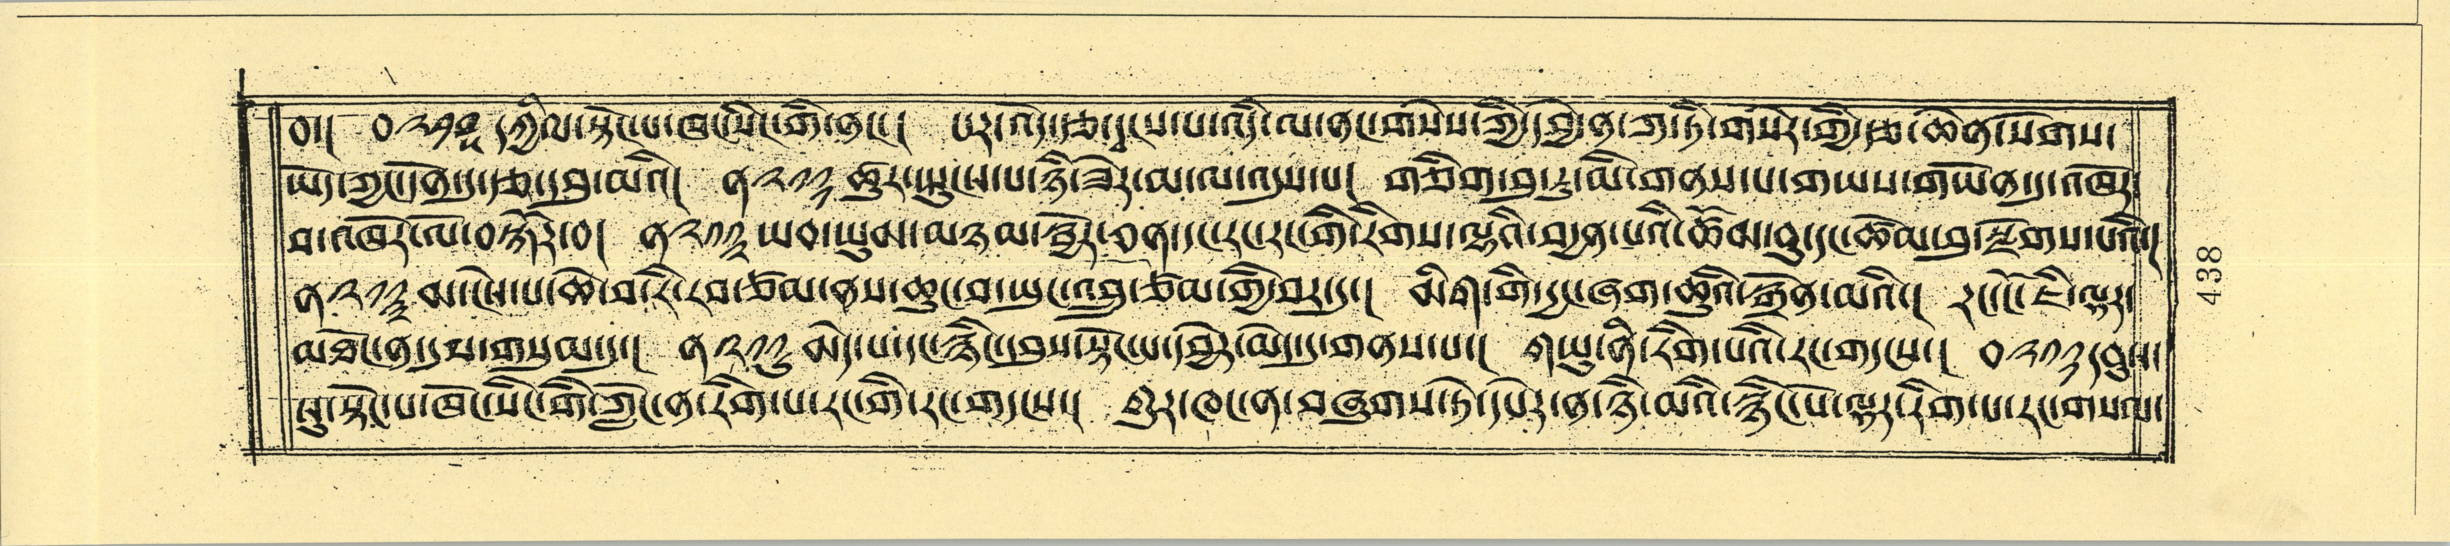བ། ༢༡༠།༥༼དཀྱིལ༽སྟོང་པ་ཁོང་སེང་གི་ནང་ ༼པར༽འོད་རྩ་དྭངས་པ་འདི་ལ་ནང་གསེས་ཀྱི་དབྱེ་ན་ཀ་ཏི་གསེར་གྱི་རྩ་ཆེན་སོགས་
ཡོད་ཀྱང་དོན་དུ་རྩ་དབུ་མའི་ན༢༡༡།༡ཚུར་སྤུངས་པ་ཉི་ཟེར་མ་ལ་འདུས་པ། གཅིག་པུ་རུ་མི་གནས་པ་གཡས་གཡོན་དུ་འཁོར་
བ་འཁོར་ལོ་བསྐོར་བ། ན༢༡༡།༢༼ཡབ་ཡུམ༽མཉམ་སྦྱོར་ཅན་དང་རང་རང་གི་རིགས་ལྷ་ཡིས་བརྒྱན་པའི་ཚོམ་བུ་དང་ཚོམ་བུ་རྫོགས་པའི། 
ན༢༡༡།༣༼མ་ངེས་པ༽ཆེ་བ་རི་རམ་ཙམ་ནས་ཆུང་བ་ཡུང་འབྲུ་ཙམ་གྱི་བར་དུ་ ༼མིག༽གི་རྒྱང་ཞགས་ཆུ་ཡི་སྒྲོན་མའི་༼རང་ངོ༽ཇི་ལྟར་
མཐོང་ན་དུས་གསུམ་དུ་ན༢༡༡།༦༼མེད་པ༽དང་སྙིང་དབུས་སྟོང་པ་དབྱེར་མེད་དུ་གནས་པ་ ༼གཡུ༽ནི་རིག་པའི་རང་མདངས་བ༢༡༡།༡༼དབུས་
སུ༽སྟོང་པ་ཁོང་སེང་གི་ཀློང་ན་རིག་པ་རང་གི་རང་གདངས་༼གུར་ཁང་ན༽བཞུགས་ཏེ་དཔེར་ན་ཉི་མའི་སྙིང་པོ་ལྟར་རིག་པ་རང་གསལ་